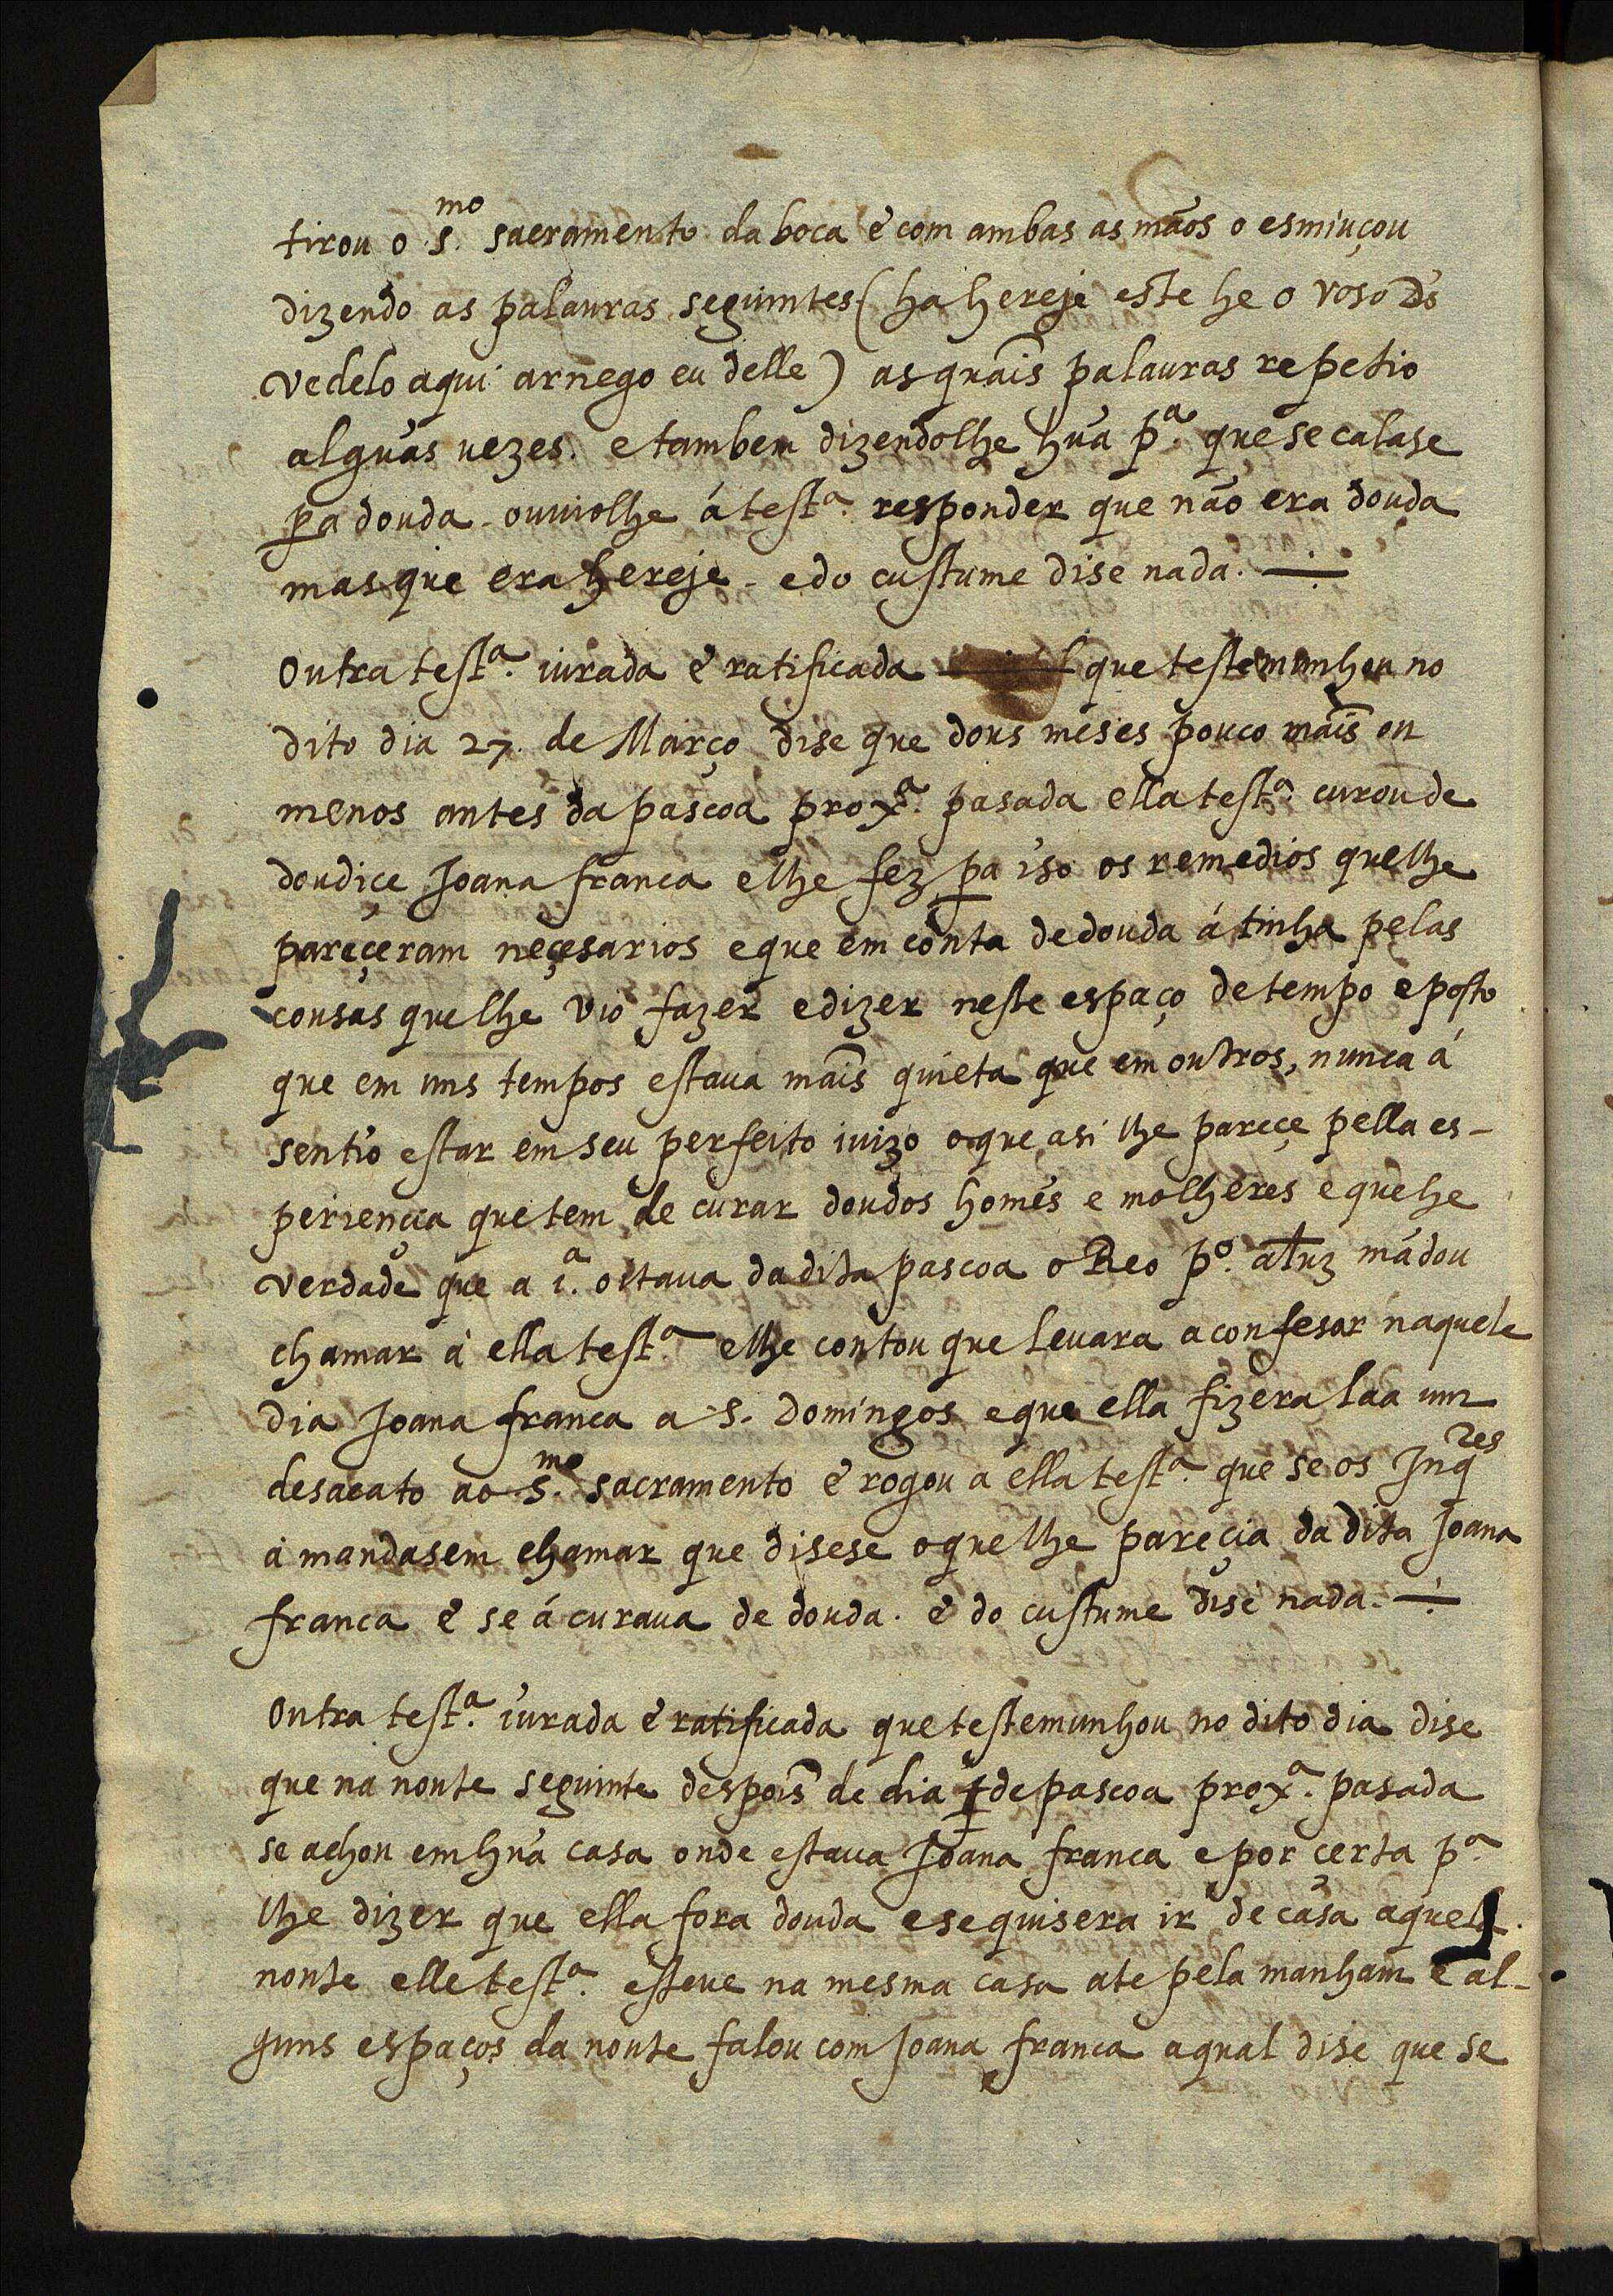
tirou o .s.mo sacramento da boca e com ambas as mãos o esmiuçou
dizendo as palauras seguimtes (ha hereje este he o voso Ds̄
vedelo aqui arnego eu delle) as quaīs palauras repetio
alguās uezes. e tambem dizendolhe huā pa. que se calase
ꝑa douda ouuiolhe á testa. responder que não era douda
mas que era hereje. e do custume dise nada.
Outra testa. iurada e ratificada que testemunhou no
dito dia 27 de Março dise que dous meses pouco mais ou
menos antes da pascoa prox.a pasada ella testa. curou de
doudiçe Joana franca e lhe fez ꝑa iso os remedios que lhe
pareçeram neçesarios e que em conta de douda á tinha pelas
cousas que lhe vio fazer e dizer neste espaço de tempo e posto
que em uns tempos estaua mais quieta que em outros, nunca á
sentio estar em seu perfeito iuizo o que asi lhe pareçe pella es
periençia que tem de curar doudos homēs e molheres e que he
verdade que a 1.a oitaua da dita pascoa o Reo po. al̄uz mādou
chamar a ella testa e lhe contou que leuara a confesar naquele
dia Joana franca a .s. Domingos e que ella fizera laa um
desacato ao s.mo sacramento e rogou a ella testa. que se os Jnqres
a mandasem chamar que disese o que lhe pareçia da dita Joana
franca e se á curaua de douda. e do custume dise nada.
outra testa. iurada e ratificada que testemunhou no dito dia dise
que na noute seguinte despois de dia _ de pascoa prox.a pasada
se achou em huā casa onde estaua Joana franca e por çerta pa
lhe dizer que ella fora douda e se quisera ir de casa aquela
noute elle testa. esteue na mesma casa ate pela manham e al
guns espaços da noute falou com Joana franca a qual dise que se
